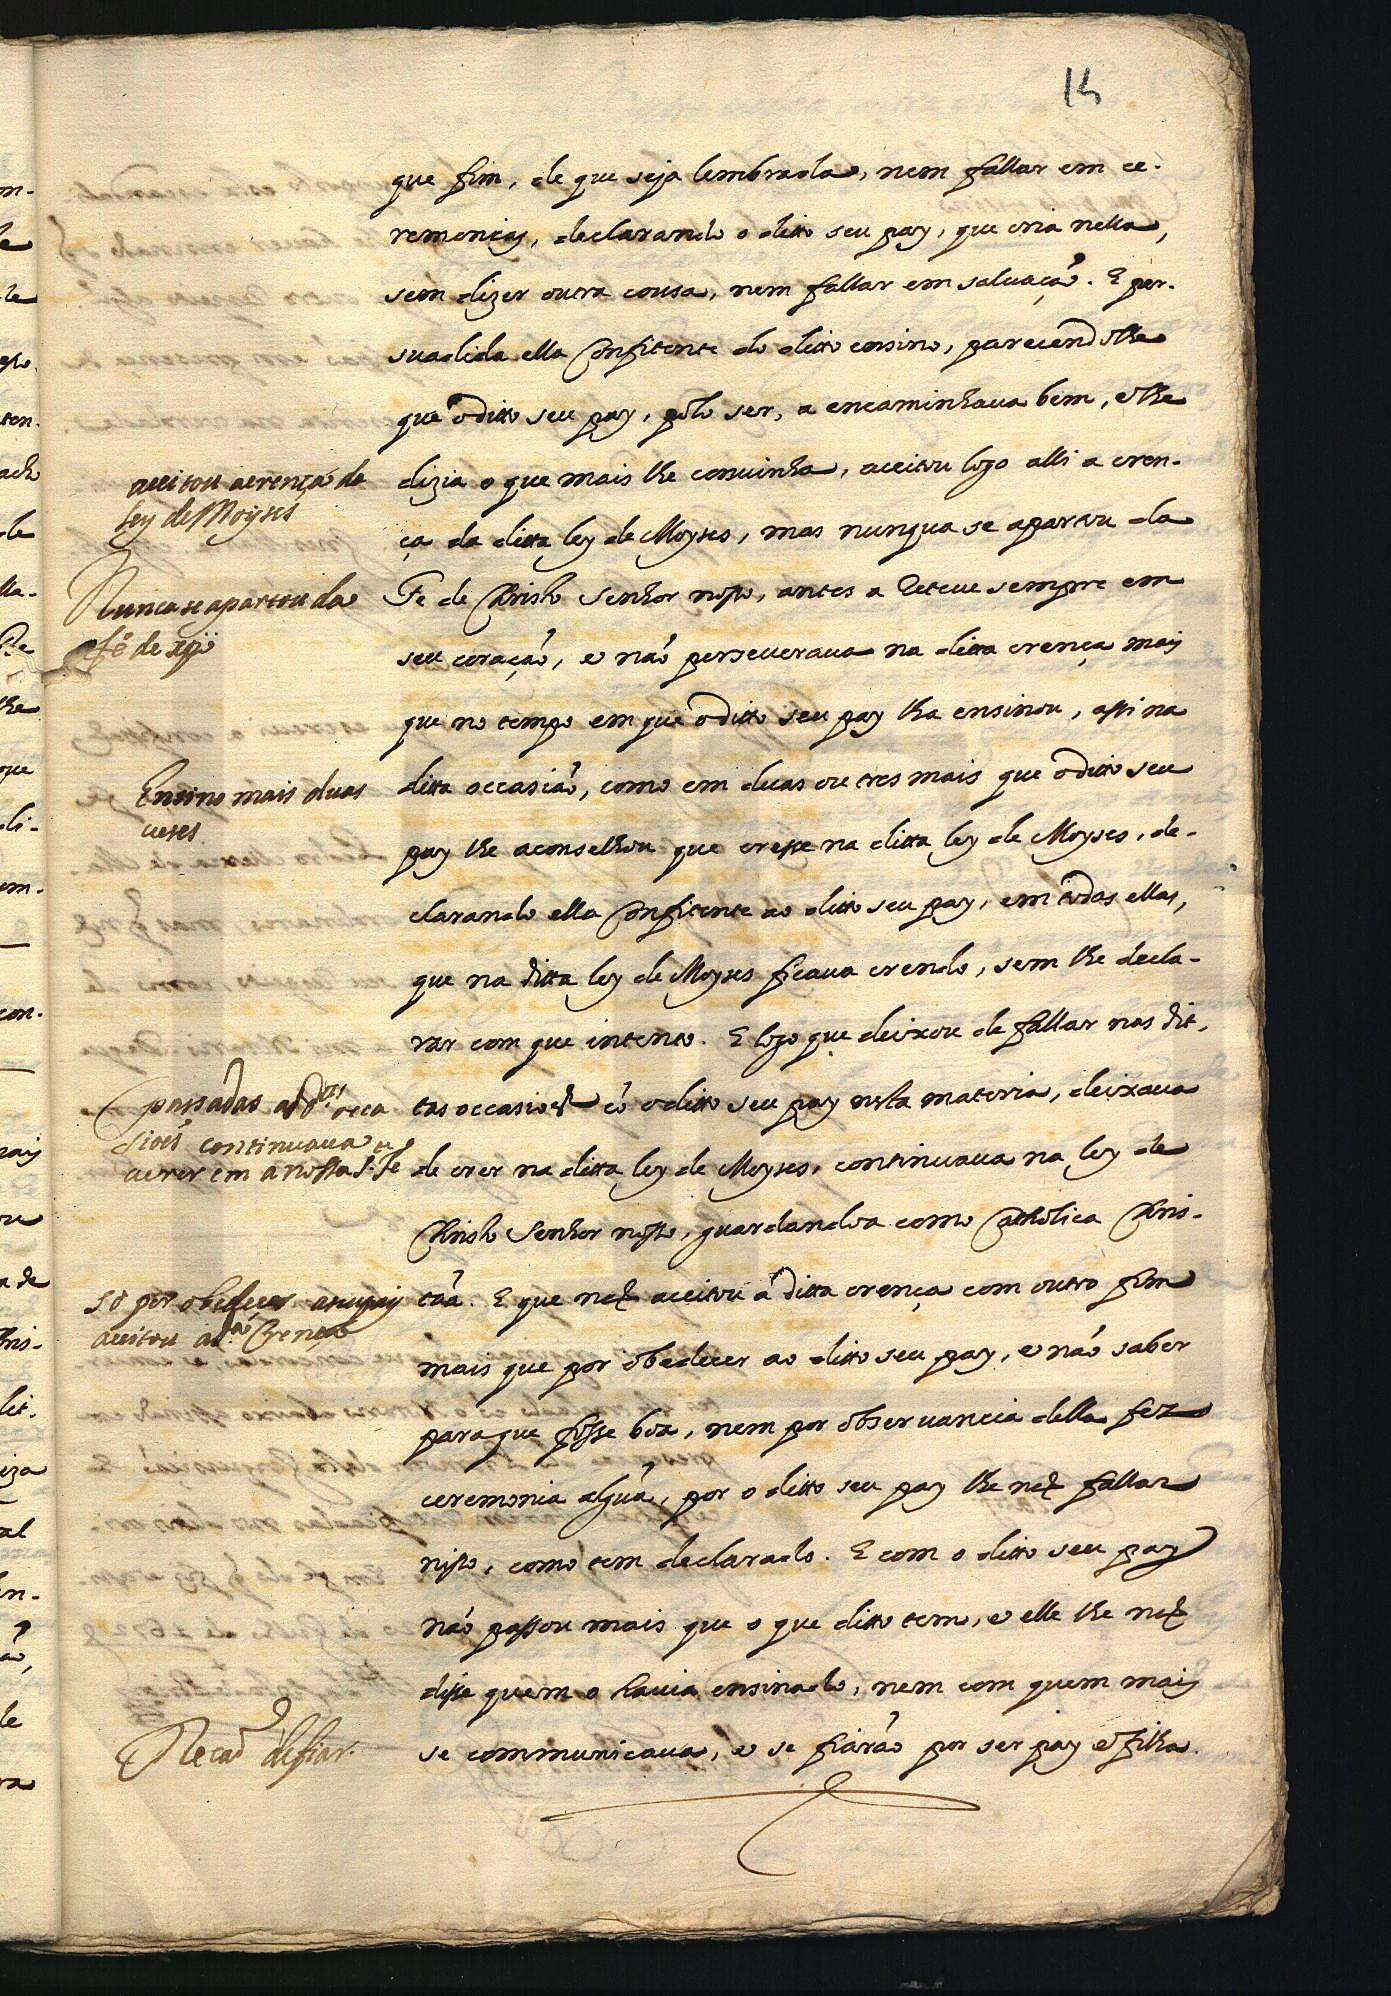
que fim, de que seja lembrada, nem fallar em ce
remonias, declarando o ditto seu pay, que cria nella,
sem dizer outra cousa, nem fallar em saluaçaõ. E per
suadida ella Confitente do ditto ensino, parecendolhe
que o ditto seu pay, polo ser, a encaminhaua bem, e lhe
dizia o que mais lhe conuinha, aceitou logo alli a cren
aceitou a crença da
ley de Moyses
ça da ditta ley de Moyses, mas nunqua se apartou da
Fe de Christo Senhor nosso, antes a Reteue sempre em
Nunca se apartou da
fé de xpō
seu coraçaõ, e naõ perseueraua na ditta crença mais
que no tempo em que o ditto seu pay lha ensinou, assi na
Ensino mais duas
ueses
ditta occasiaõ, como em duas ou tres mais que o ditto seu
pay lhe aconselhou que cresse na ditta ley de Moyses, de
clarando ella Confitente ao ditto seu pay, em todas ellas,
que na ditta ley de Moyses ficaua crendo, sem lhe decla
rar com que intento. E logo que deixou de fallar nas dit
passadas as d.as occa
sioẽs continuaua
a crer em a nossa s.ta Fe
tas occasioẽs cō o ditto seu pay nesta materia, deixaua
de crer na ditta ley de Moyses, continuaua na ley de
Christo Senhor nosso, guardandoa como Catholica Chris
so por obedecer a seu pay
aceitou a d.a Crença
taā. E que naõ aceitou a ditta crença com outro fim
mais que por obedecer ao ditto seu pay, e não saber
para que fosse boa, nem por obseruancia della fez
ceremonia alguā, por o ditto seu pay lhe naõ fallar
nisso, como tem declarado. E com o ditto seu pay
naõ passou mais que o que ditto tem, e elle lhe naõ
disse quem o hauia ensinado, nem com quem mais
se communicaua, e se fiarão por ser pay e filha.
Rezaõ de fiar.
